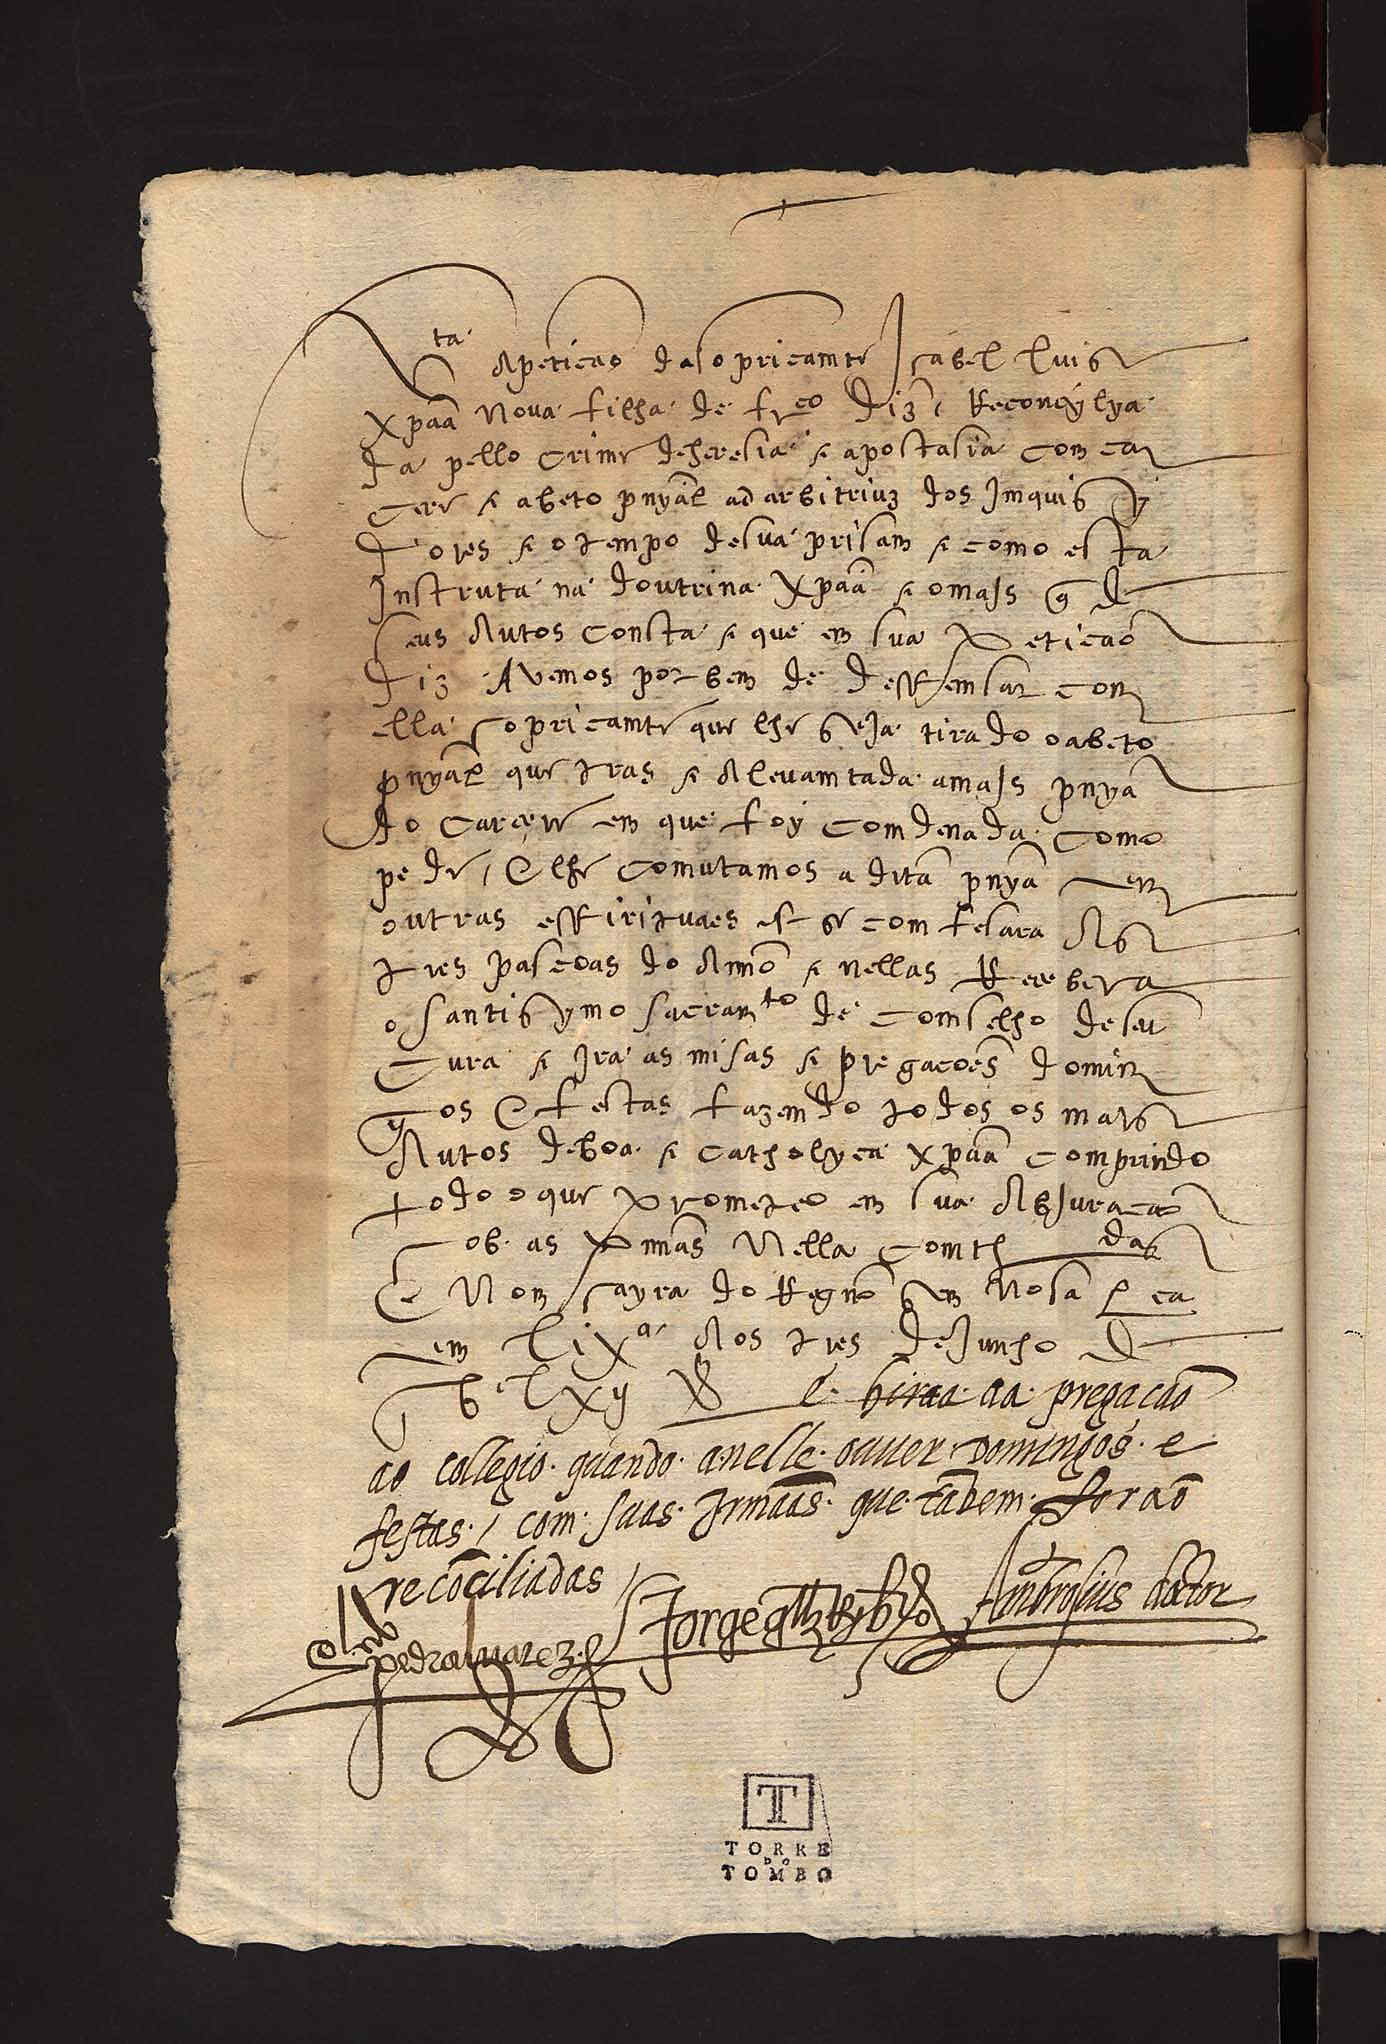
Vta A petiçao da sopricamte Jsabel luis
Xpāa noua filha de frco dīz, Reconcylya
da pello crime de heresia e apostasia com car
cere e abeto pnȳal ad arbitriuz dos Jmquisy
dores e o tempo de sua prisam e como esta
Jnstruta na doutrina Xpaā e o majs q̄ de
seus Autos consta e que em sua petiçaõ
diz Avemos por bem de despemsar com
ella sopricamte que lhe seja tirado o abito
pnȳaL que tras e Aleuamtada a majs pnyā
do carcere em que foy comdenada como
pede, e lhe comutamos a ditā pnȳa em
outras espirituaes .s. se comfesara As
tres pascoas do Ann̄o e nellas Recebera
o santisymo sacramto de comselho de seu
Cura e Jrá as misas e pregaçoēs domim
gos e festas fazemdo todos os mais
Autos de boa e catholyca xpāa comprindo
todo o que prometeo em sua Abjuraçaõ
sob as pnnās nella comthdas
e nom sayra do Regno sem nosa Lça
em lixa Aos tres de Junho de
jbc lxij ꝸ e hiraa aa pregação
ao collegio quando a nelle ouuer Domingos e
festas / com suas Jrmāas que tābem foraõ
recōciliadas
Ldo pedraluarez Jorge ḡllz Rybro Ambrosius doctor
